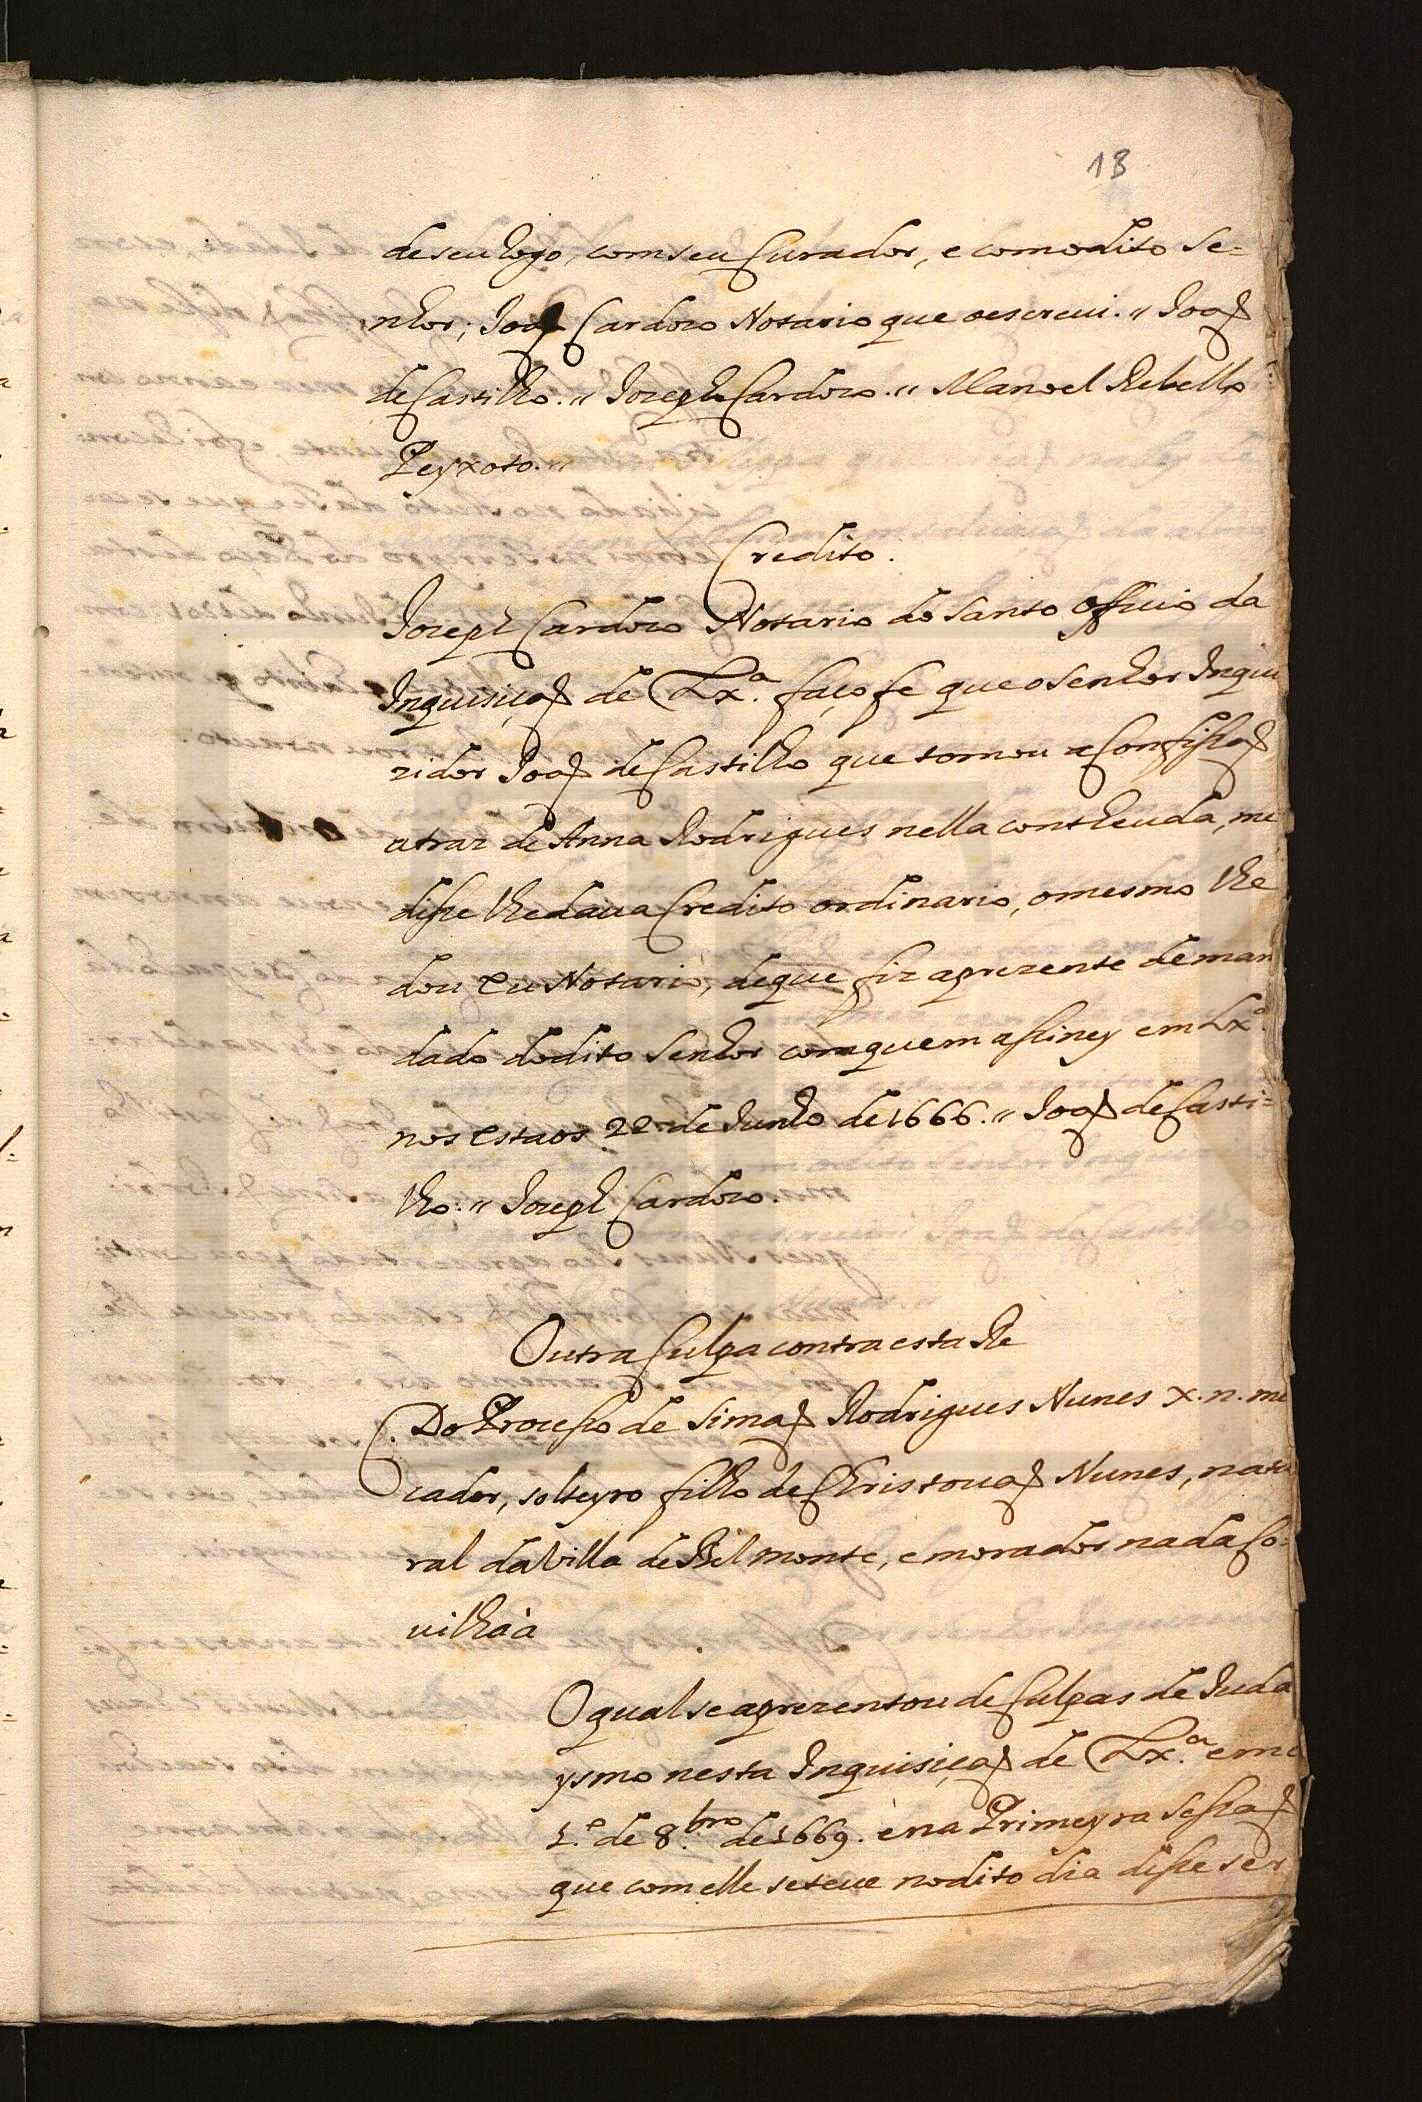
de seu Rogo, com seu Curador, e com o dito se
nhor; Joaõ Cardozo Notario que o escreui. // Ioaõ
de Castilho. // Iozeph Cardozo. // Manoel Rebello
Peyxoto. //
Credito.
Iozeph Cardozo Notario do santo officio da
Inquisiçaõ de Lx.a faço fe que o senhor Inqui
zidor Ioaõ de Castilho que tomou a Confissaõ
atraz de Anna Rodrigues nella contheuda, me
disse lhe daria Credito ordinario, o mesmo lhe
dou eu Notario, de que fiz a prezente de man
dado do dito Senhor com quem assiney em Lx.a
nos estaos 22 de Iunho de 1666. // Ioaõ de Casti
lho: // Iozeph Cardozo.
Outra Culpa contra esta Re
Do Processo de Simaõ Rodrigues Nunes x. n. me
cador, solteyro filho de Christouaõ Nunes, natu
ral da villa de Belmonte, e morador na da Co
uilhaã
O qual se aprezentou de Culpas de Iuda
ysmo nesta Inquisiçaõ de Lx.a em o
1.o de 8.bro de 1669. e na Primeyra sessaõ
que com elle se teue no dito dia disse ser
